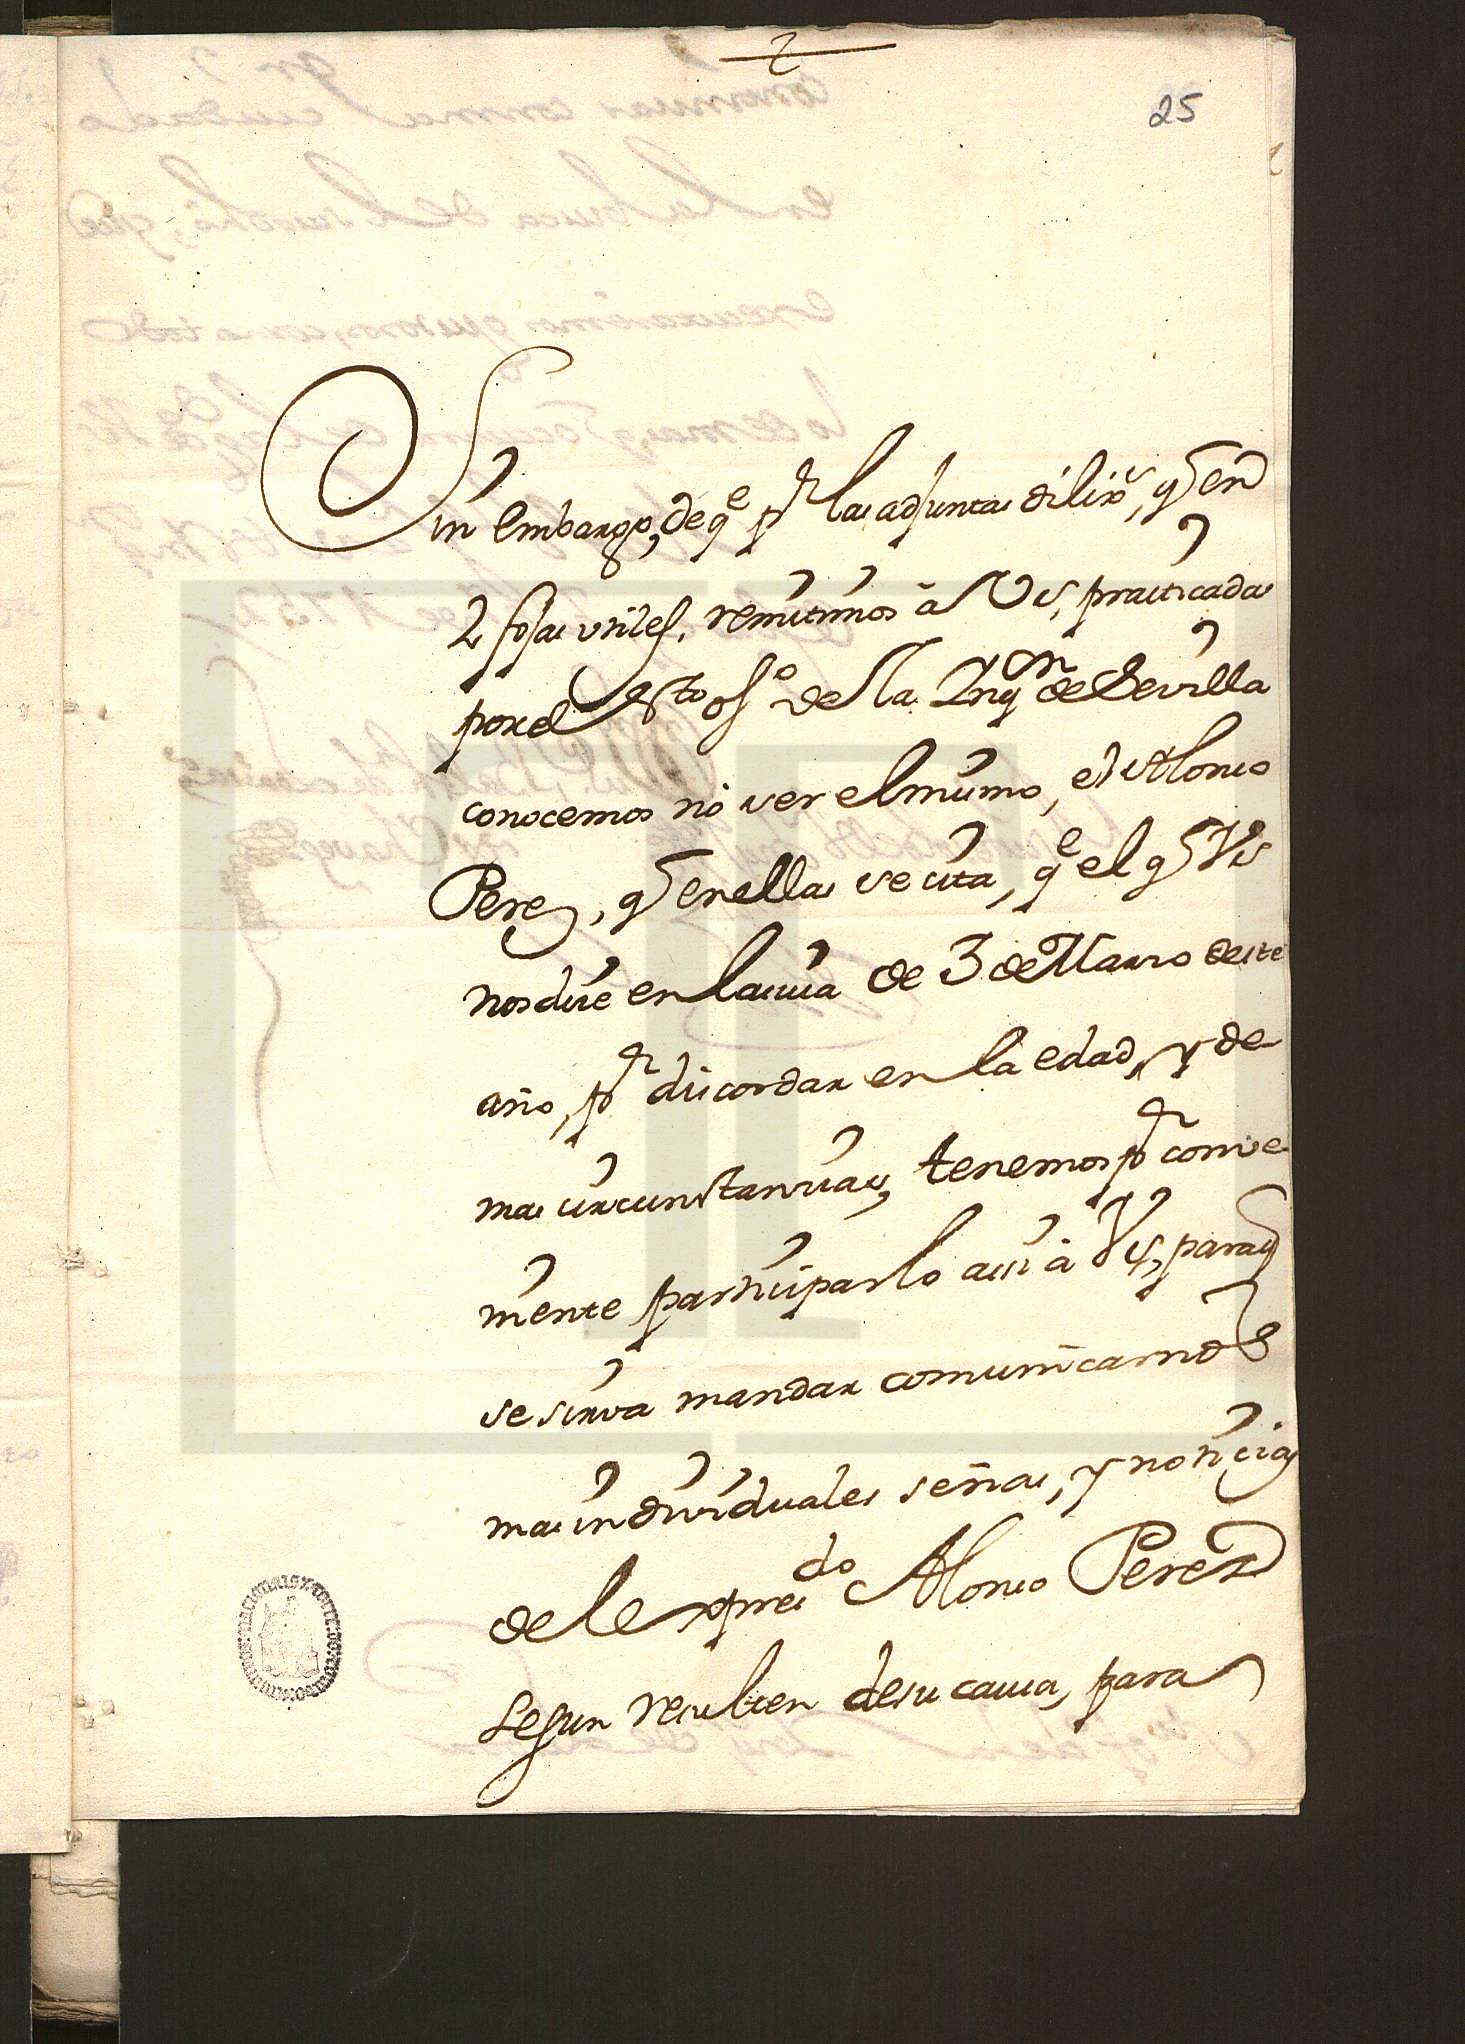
Sin embargo, de qe por las adjuntas di lixa, q̄ en
2 fojas vtiles, remitimos à Vs, practicadas
por el Sto ofo de la Ynqon de Sevilla
conocemos no ser el mismo, el Alonso
Perez, q̄ en ella se cita, qe el q̄ Vs
nos dize en la suia de 3 de Marzo deste
año, por discordar en la edad, y de
mas circunstancias, tenemos por conve
niente participarlo assi a Vs, para q̄
se sirva mandar comunicarnos
mas individuales señas, y noticias
del expresdo Alonso Perez
segun resultem de su causa, para
